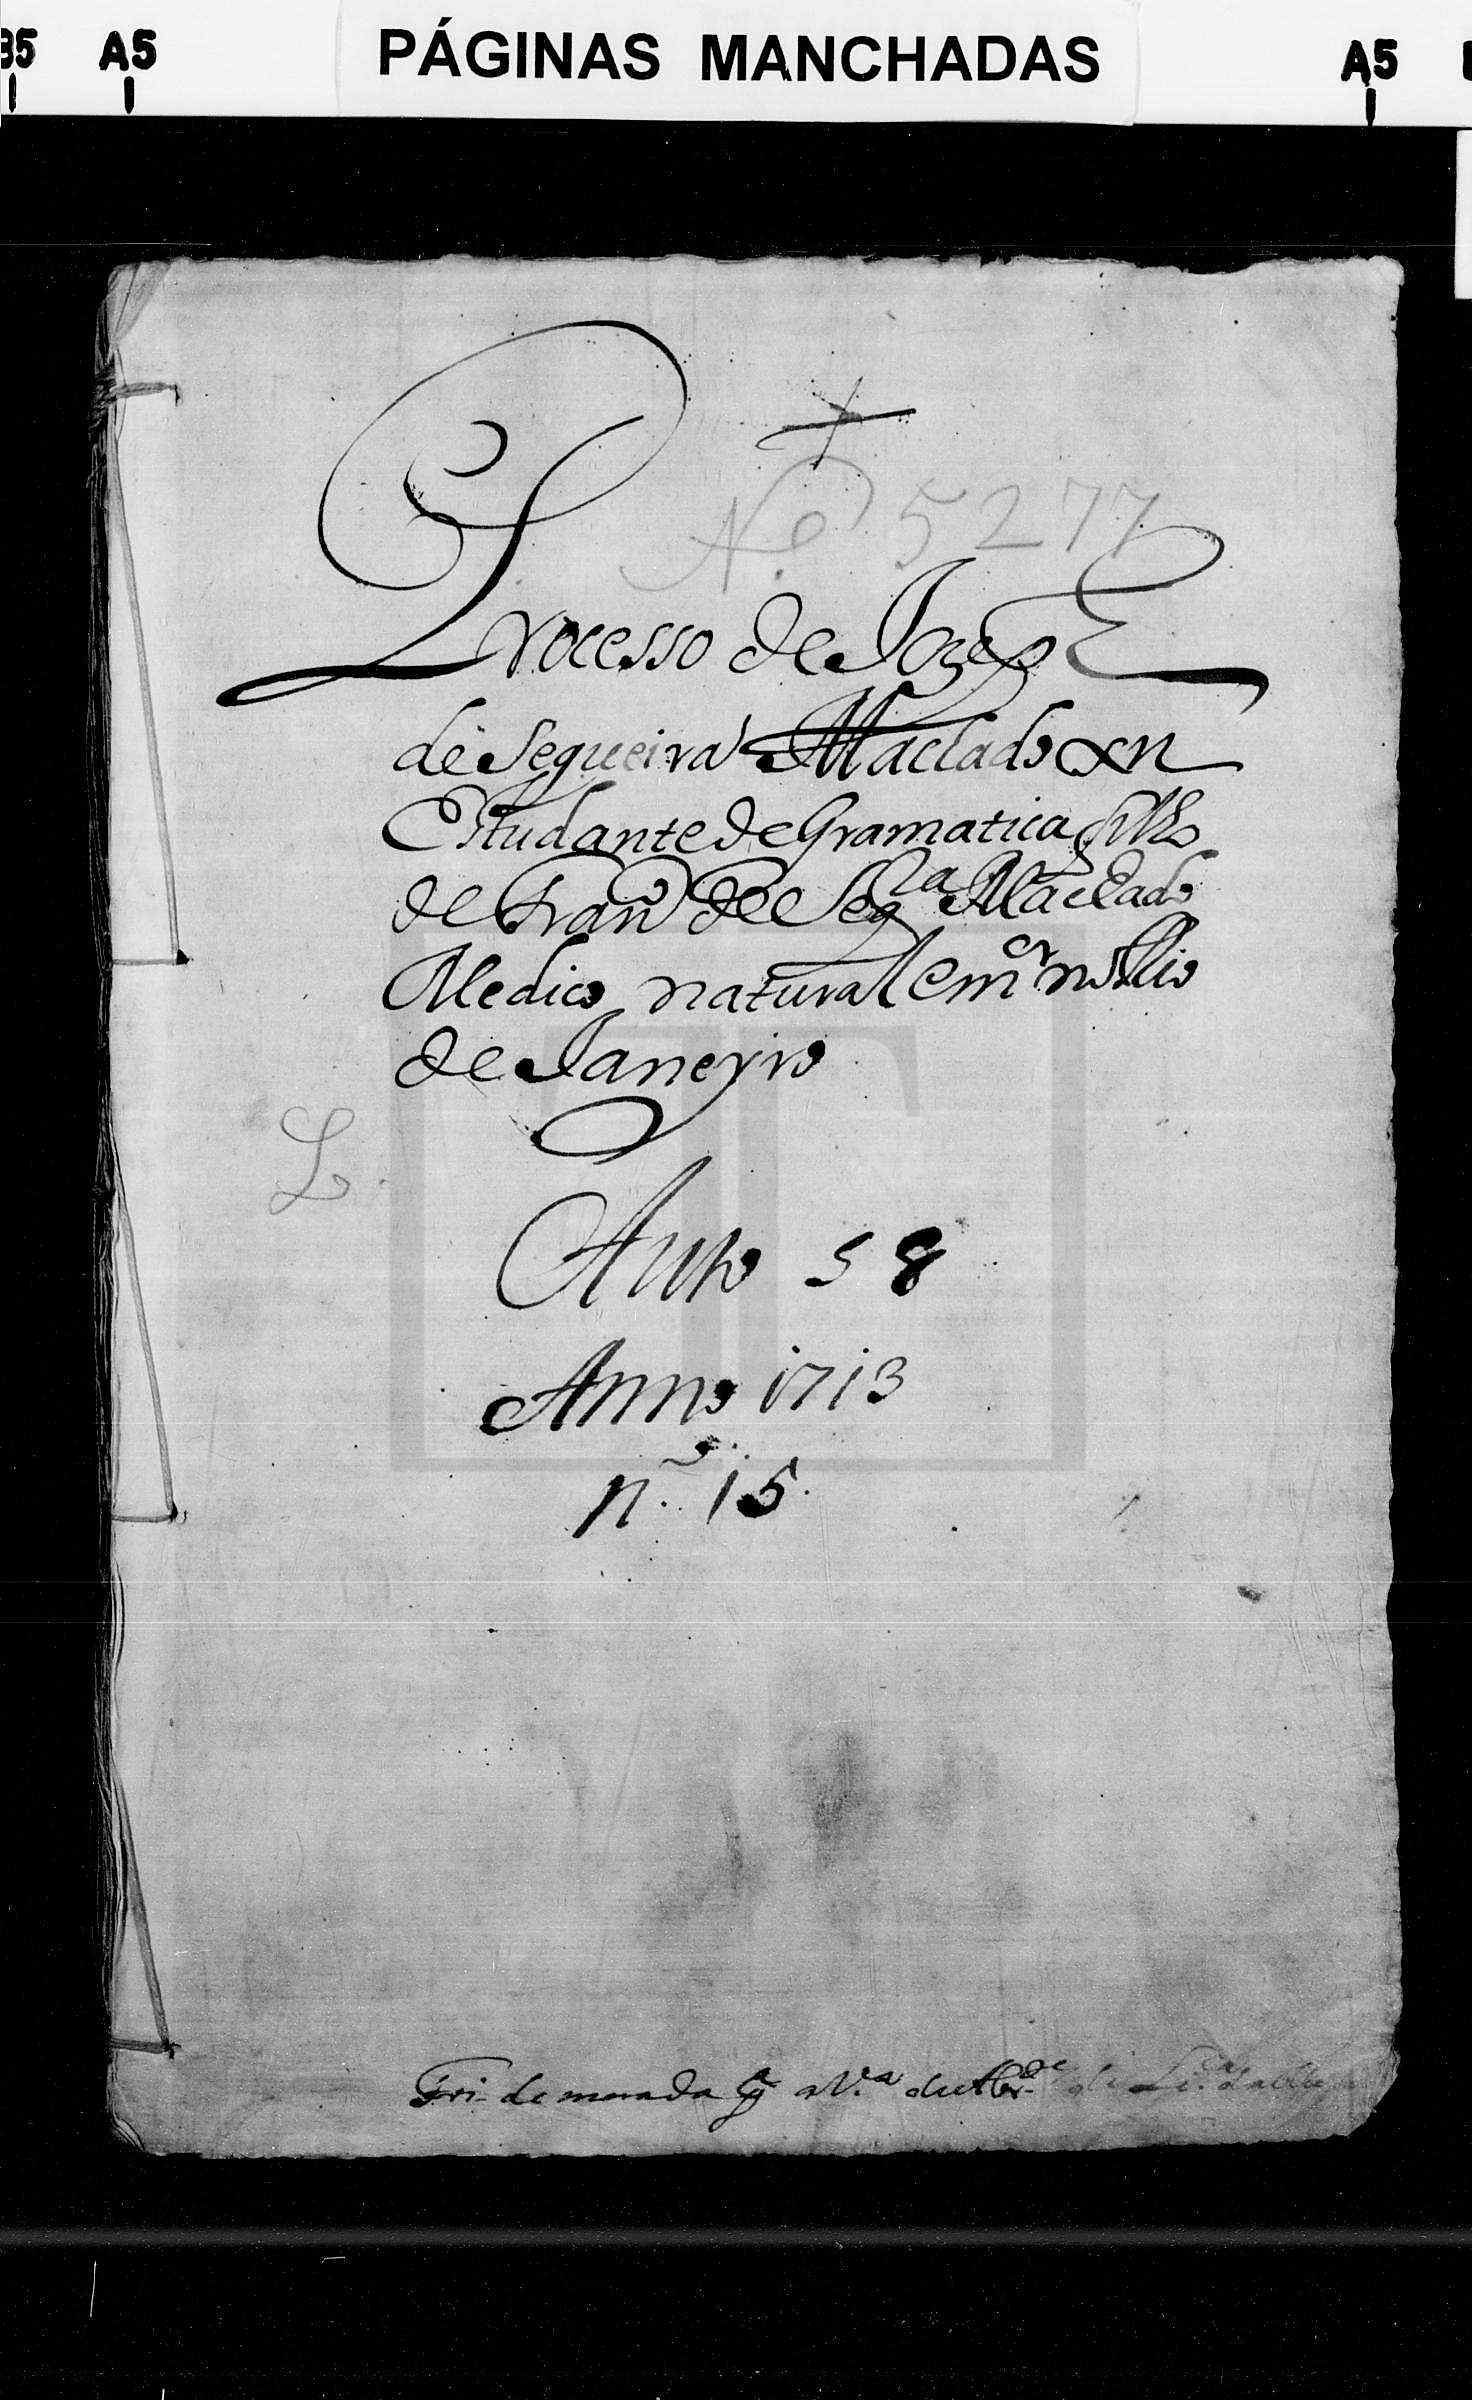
Processo de Jozeph
de sequeira Machado xn
Estudante de Gramatica filho
de Franco de Seqra Machado
Medico natural e mor no Rio
de Ianeyro
Auto 58
Anno i7i3
n.o i5.
Foi de morada pa a V.a de Abr.tes de Li.ca da
